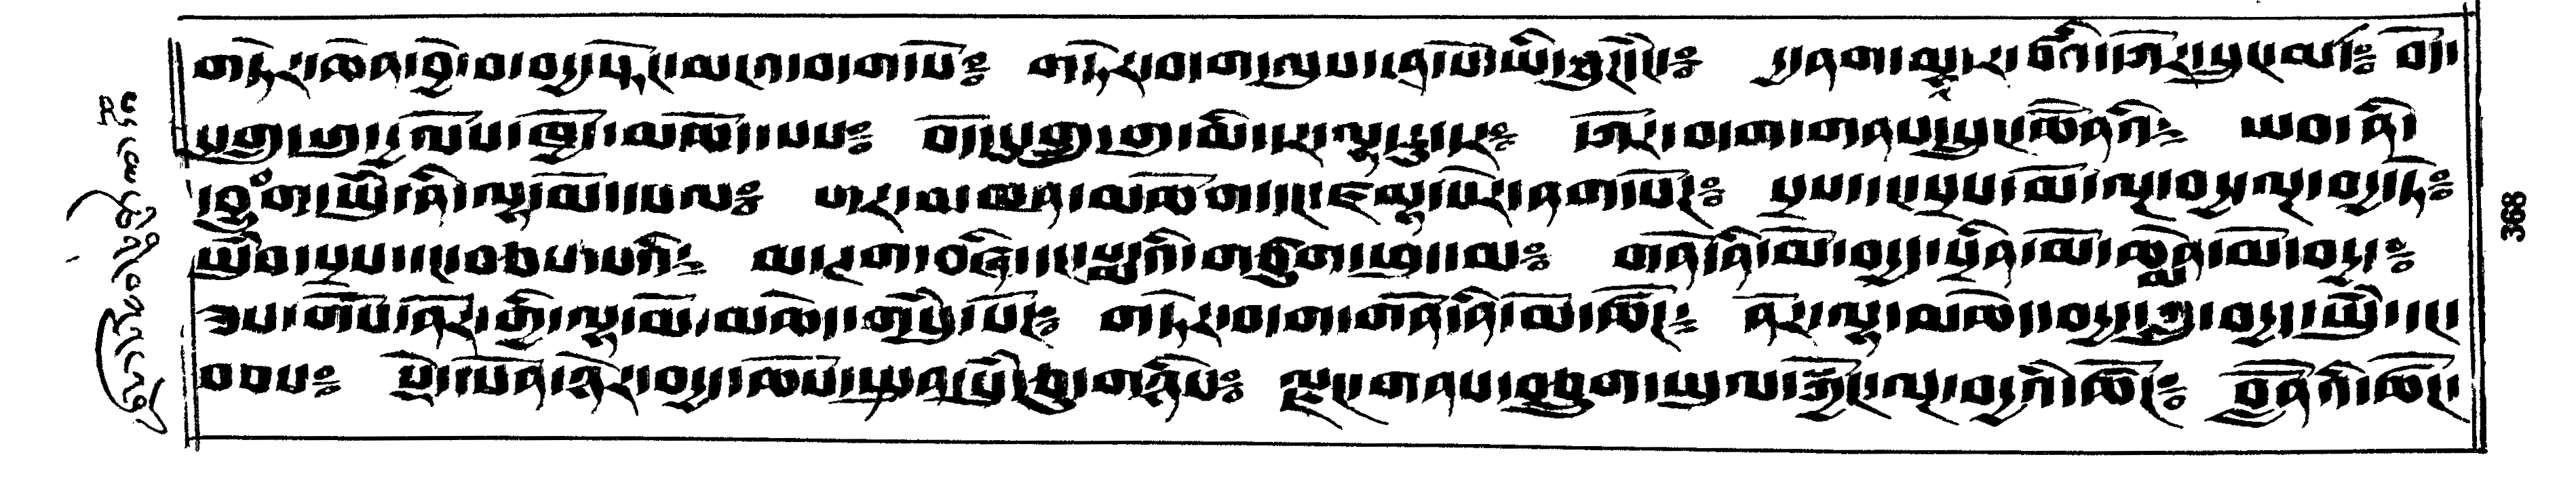གཏེར་ཆེན་བྱེ་བ་བརྒྱ་སྟོང་མངའ་བདག་པོ༔ གཏེར་བདག་ལུས་ངན་པོ་ཡི་ཐུགས་དམ་བསྐང༔ རྒྱ་ནག་མ་ཧཱ་ར་ཛའི་དཀོར་སྲུང་མཛད༔ བོད་
དུ་གྲུ་གུ་རྒྱལ་པོས་ཁྱོད་མཆོད་པས༔ བོད་དུ་གྲུ་གུ་མི་དར་ལྷ་རུ་དར༔ དཀོར་བདག་གནས་སྲུང་ཆེན་པོའི༴ ཡབ་ནི་
དབང་ཕྱུག་ཡུམ་ནི་ལྷ་མོ་དཔལ༔ གར་མཁན་མཆོག་དང་ཛམ་ལ་སེར་ནག་སོགས༔ སྲས་དང་སྲས་མོ་ལྔ་བརྒྱ་ལྔ་བརྒྱ་སྟེ༔ 
ཡབ་ཡུམ་སྲས་དང་བཅས་པའི༴ མ་ཊག་བཞི་དང་པདྨའི་གཙུག་ཕུད་མ༔ གནོད་སྦྱིན་མོ་བརྒྱད་སྲིན་མོ་ཆེན་མོ་བརྒྱད༔ 
ཟས་གོས་ནོར་གྱི་ལྷ་མོ་མཆེད་གསུམ་སོགས༔ གཏེར་བདག་གནོད་སྦྱིན་མོ་ཚོགས༴ ནོར་ལྷ་མཆེད་བརྒྱད་ཀླུ་བརྒྱད་ཡུམ་དང་
བཅས༔ སྡེ་དཔོན་ཉེར་བརྒྱད་ཆོས་སྤུན་སུམ་ཅུ་གཉིས༔ ལྗང་གནས་བཅུ་དྲུག་ཡུལ་སྐྱོང་ལྔ་བརྒྱའི་ཚོགས༔ བློན་པོའི་ཚོགས་